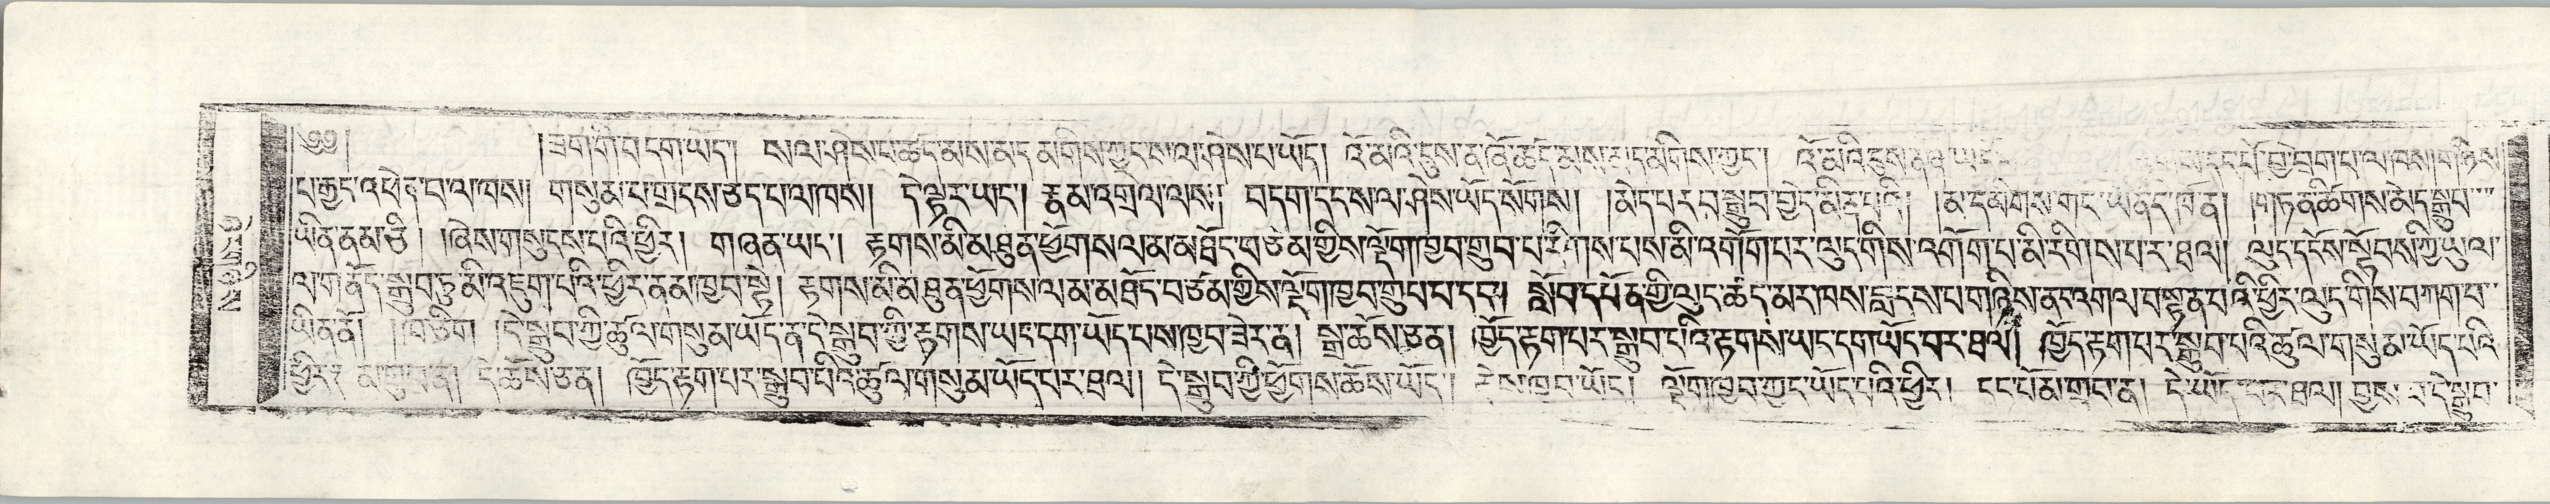༄༅། །ཟག་གི་བདག་ཡོད། ས་ལ་ཤེས་པ་ཚད་མས་མ་དམིགས་ཀྱང་ས་ལ་ཤེས་པ་ཡོད། འོ་མའི་དུས་ན་ཞོ་ཚད་མས་མ་དམིགས་ཀྱང་། འོ་མའི་དུས་ན་ཞོ་ཡོད་པའི་ཕྱིར། རྟགས་དང་པོ་བྱེ་བྲག་པ་ལ་ཁས། གཉིས་
པ་རྒྱང་འཕེན་པ་ལ་ཁས། གསུམ་པ་གྲངས་ཅན་པ་ལ་ཁས། དེ་ལྟར་ཡང་། རྣམ་འགྲེལ་ལས། བདག་དང་ས་ལ་ཤེས་ཡོད་སོགས། །མེད་པར་རབ་སྒྲུབ་བྱེད་མིན་པའི། །མ་དམིགས་གང་ཡིན་དེ་ཁོ་ན། །གཏན་ཚིགས་མེད་སྒྲུབ་
ཡིན་ནམ་ཅི། །ཞེས་གསུངས་པའི་ཕྱིར། གཞན་ཡང་། རྟགས་མི་མཐུན་ཕྱོགས་ལ་མ་མཐོང་བ་ཙམ་གྱིས་ལྡོག་ཁྱབ་གྲུབ་པ་རིགས་པས་མི་འགོག་པར་ལུང་གིས་འགོག་པ་མི་རིགས་པར་ཐལ། ལུང་དངོས་སྟོབས་ཀྱི་ཡུལ་
ལ་གནོད་སྒྲུབ་ཏུ་མི་འཇུག་པའི་ཕྱིར་ན་མ་ཁྱབ་སྟེ། རྟགས་མི་མཐུན་ཕྱོགས་ལ་མ་མཐོང་བ་ཙམ་གྱིས་ལྡོག་ཁྱབ་གྲུབ་པ་དང་། སློབ་དཔོན་གྱི་ལུང་ཚད་མར་ཁས་བླངས་པ་གཉིས་ནང་འགལ་བསྟན་པའི་ཕྱིར་ལུང་གིས་བཀག་པ་
ཡིན་ནོ། །ཁ་ཅིག །དེ་སྒྲུབ་ཀྱི་ཚུལ་གསུམ་ཡོད་ན་དེ་སྒྲུབ་ཀྱི་རྟགས་ཡང་དག་ཡོད་པས་ཁྱབ་ཟེར་ན། སྒྲ་ཆོས་ཅན། ཁྱོད་རྟག་པར་སྒྲུབ་པའི་རྟགས་ཡང་དག་ཡོད་པར་ཐལ། ཁྱོད་རྟག་པར་སྒྲུབ་པའི་ཚུལ་གསུམ་ཡོད་པའི་
ཕྱིར། མ་གྲུབ་ན། དེ་ཆོས་ཅན། ཁྱོད་རྟག་པར་སྒྲུབ་པའི་ཚུལ་གསུམ་ཡོད་པར་ཐལ། དེ་སྒྲུབ་ཀྱི་ཕྱོགས་ཆོས་ཡོད། རྗེས་ཁྱབ་ཡོད། ལྡོག་ཁྱབ་ཀྱང་ཡོད་པའི་ཕྱིར། དང་པོ་མ་གྲུབ་ན། དེ་ཡོད་པར་ཐལ། བྱས་པ་དེ་སྒྲུབ་